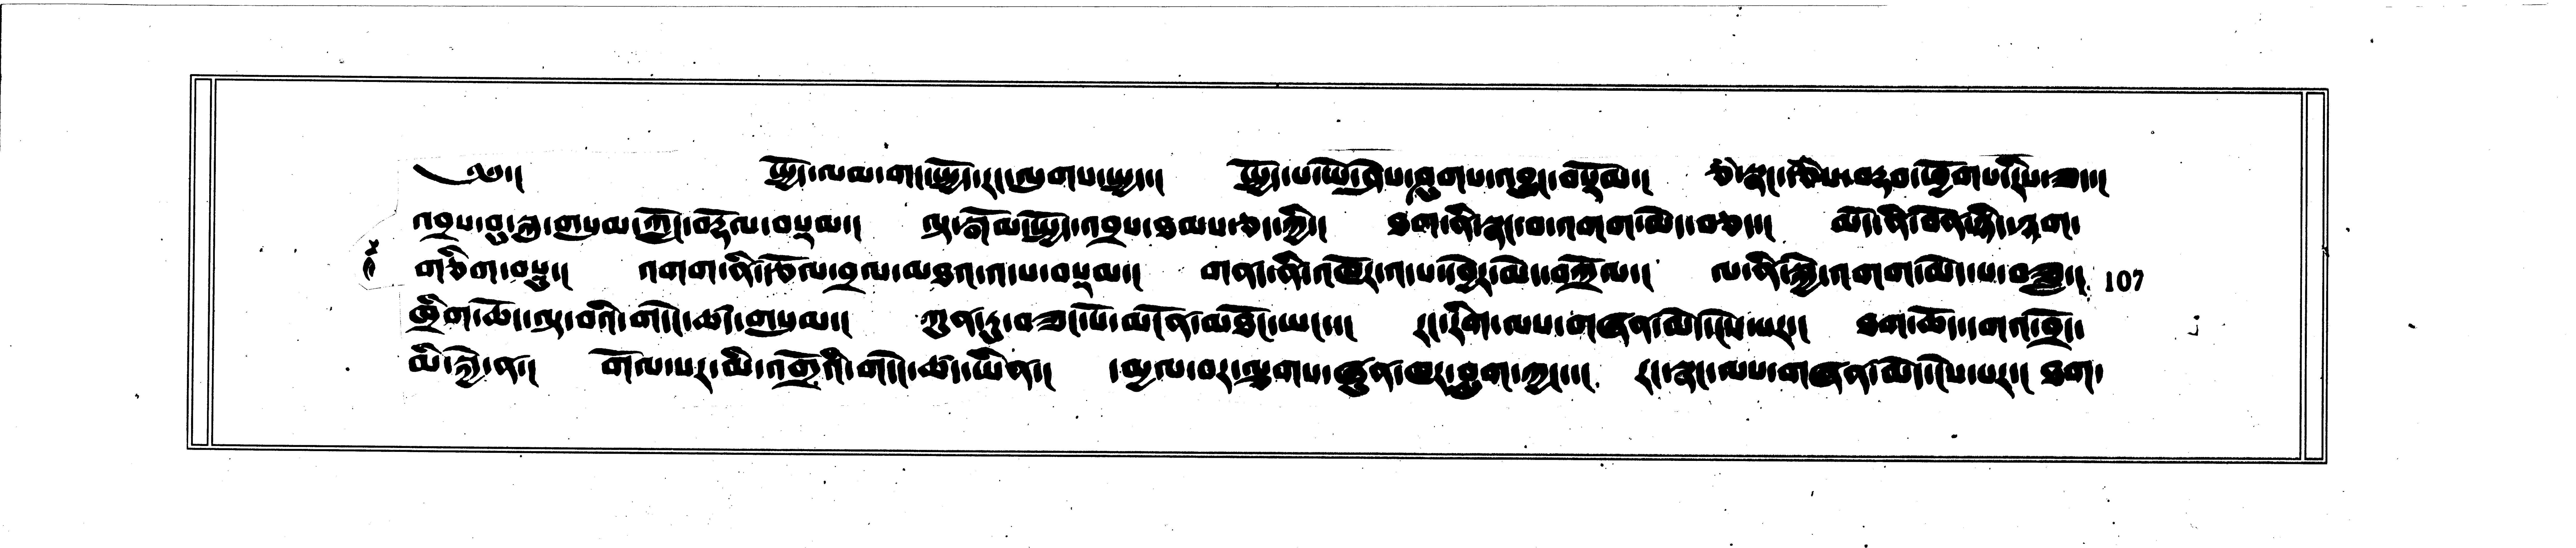སྤྱོད་ལམ་གང་སྤྱོད་རང་ལུགས་སྤྱད། །སྤྱོད་པ་ཡེ་ཤེས་ཤུགས་འབྱུང་བསྡོམ། །ཅི་སྣང་རྩིས་གདབ་ཕྱོགས་རིས་ཟད། །
འབྲས་བུ་སྐུ་གསུམ་ཀློང་བརྡོལ་བསྡམ། །ལྟ་སྒོམ་སྤྱོད་འབྲས་ཐམས་ཅད་ཀྱི། །ཐག་ནི་སྣང་བ་འགག་མེད་བཅད། །མདོ་ནི་བོན་ཉིད་ཉག་
གཅིག་བསྡུ། །འགག་ནི་རྩོལ་བྲལ་མཐའ་འདས་བསྡམ། །གནད་ནི་འཁོར་འདས་དབྱེར་མེད་བཀྲོལ། །ལ་ནི་སྐྱེ་འགག་མེད་པ་བཟླ། །
ཁྲིག་ཆོད་ལྟ་བའི་གདེང་ཚད་གསུམ། །ཀུན་ཏུ་བཟང་པོ་མངོན་མཐོང་ཡང་། །རང་རིག་ལས་གཞན་མེད་ངེས་པར། །ཐག་ཆོད་དགའ་བྲོད་
མི་སྐྱེ་ན། །གོལ་སར་མི་འགྲོའི་གདེང་ཚད་ཡིན། །དམྱལ་བར་ལྕགས་ཞུན་ཁར་བླུག་ཀྱང་། །རང་སྣང་ལས་གཞན་མེད་ངེས་པར། །ཐག་